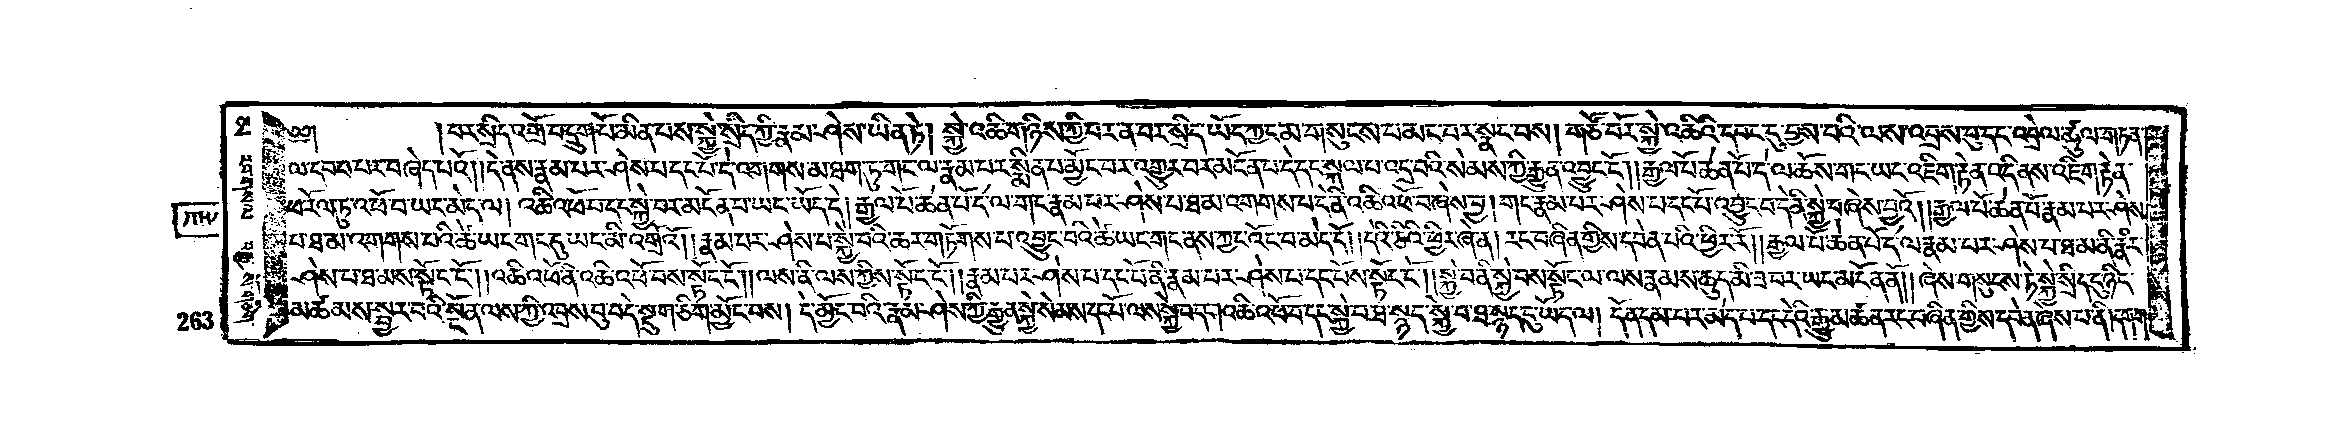༄༅། །བར་སྲིད་འགྲོ་བ་དྲུག་པོ་མིན་པས་སྐྱེ་སྲིད་ཀྱི་རྣམ་ཤེས་ཡིན་ཏེ། སྐྱེ་འཆི་གཉིས་ཀྱི་བར་ན་བར་སྲིད་ཡོད་ཀྱང་མ་གསུངས་པ་མང་བར་སྣང་བས། གཙོ་བོར་སྐྱེ་འཆིའི་དབང་དུ་བྱས་པའི་ལས་འབྲས་བུ་དང་འབྲེལ་ཚུལ་གཏན་
ལ་དབབ་པར་བཞེད་པའོ། །དེ་ནས་རྣམ་པར་ཤེས་པ་དང་པོ་དེ་འགགས་མ་ཐག་ཏུ་གང་ལ་རྣམ་པར་སྨིན་པ་མྱོང་བར་འགྱུར་བར་མངོན་པ་དེ་དང་སྐལ་པ་འདྲ་བའི་སེམས་ཀྱི་རྒྱུན་འབྱུང་ངོ། །རྒྱལ་པོ་ཆེན་པོ་དེ་ལ་ཆོས་གང་ཡང་འཇིག་རྟེན་འདི་ནས་འཇིག་རྟེན་
ཕ་རོལ་ཏུ་འཕོ་བ་ཡང་མེད་ལ། འཆི་འཕོ་བ་དང་སྐྱེ་བར་མངོན་པ་ཡང་ཡོད་དེ། རྒྱལ་པོ་ཆེན་པོ་དེ་ལ་གང་རྣམ་པར་ཤེས་པ་ཐ་མ་འགགས་པ་དེ་ནི་འཆི་འཕོ་བ་ཞེས་བྱ། གང་རྣམ་པར་ཤེས་པ་དང་པོ་འབྱུང་བ་དེ་ནི་སྐྱེ་བ་ཞེས་བྱའོ། །རྒྱལ་པོ་ཆེན་པོ་རྣམ་པར་ཤེས་
པ་ཐ་མ་འགགས་པའི་ཚེ་ཡང་གང་དུ་ཡང་མི་འགྲོའོ། །རྣམ་པར་ཤེས་པ་སྐྱེ་བའི་ཆར་གཏོགས་པ་འབྱུང་བའི་ཚེ་ཡང་གང་ནས་ཀྱང་འོང་བ་མེད་དོ། །དེའི་ཅིའི་ཕྱིར་ཞེ་ན། རང་བཞིན་གྱིས་དབེན་པའི་ཕྱིར་རོ། །རྒྱལ་པོ་ཆེན་པོ་དེ་ལ་རྣམ་པར་ཤེས་པ་ཐ་མ་ནི་རྣམས་པར་
ཤེས་པ་ཐ་མས་སྟོང་ངོ། །འཆི་འཕོ་ནི་འཆི་འཕོ་བས་སྟོང་ངོ། །ལས་ནི་ལས་ཀྱིས་སྟོང་ངོ། །རྣམ་པར་ཤེས་པ་དང་པོ་ནི་རྣམ་པར་ཤེས་པ་དང་པོས་སྟོང་ངོ། །སྐྱེ་བ་ནི་སྐྱེ་བས་སྟོང་ལ་ལས་རྣམས་ཆུད་མི་ཟ་བར་ཡང་མངོན་ནོ། །ཞེས་གསུངས་ཏེ་སྐྱེ་སྲིད་དུ་ཉིང་
མཚམས་སྦྱར་བའི་སྔོན་ལས་ཀྱི་འབྲས་བུ་བདེ་སྡུག་ཅིག་མྱོང་བས། དེ་མྱོང་བའི་རྣམ་ཤེས་ཀྱི་རྒྱུན་སྐྱེ་སེམས་དང་པོ་ལས་སྐྱེ་བ་དང་། འཆི་འཕོ་བ་དང་སྐྱེ་བ་ཐ་སྙད་དུ་ཡོད་ལ། དོན་དམ་པར་མེད་པ་དང་དེའི་རྒྱུ་མཚན་རང་བཞིན་གྱིས་དབེན་ཞེས་པ་ནི། དགག་